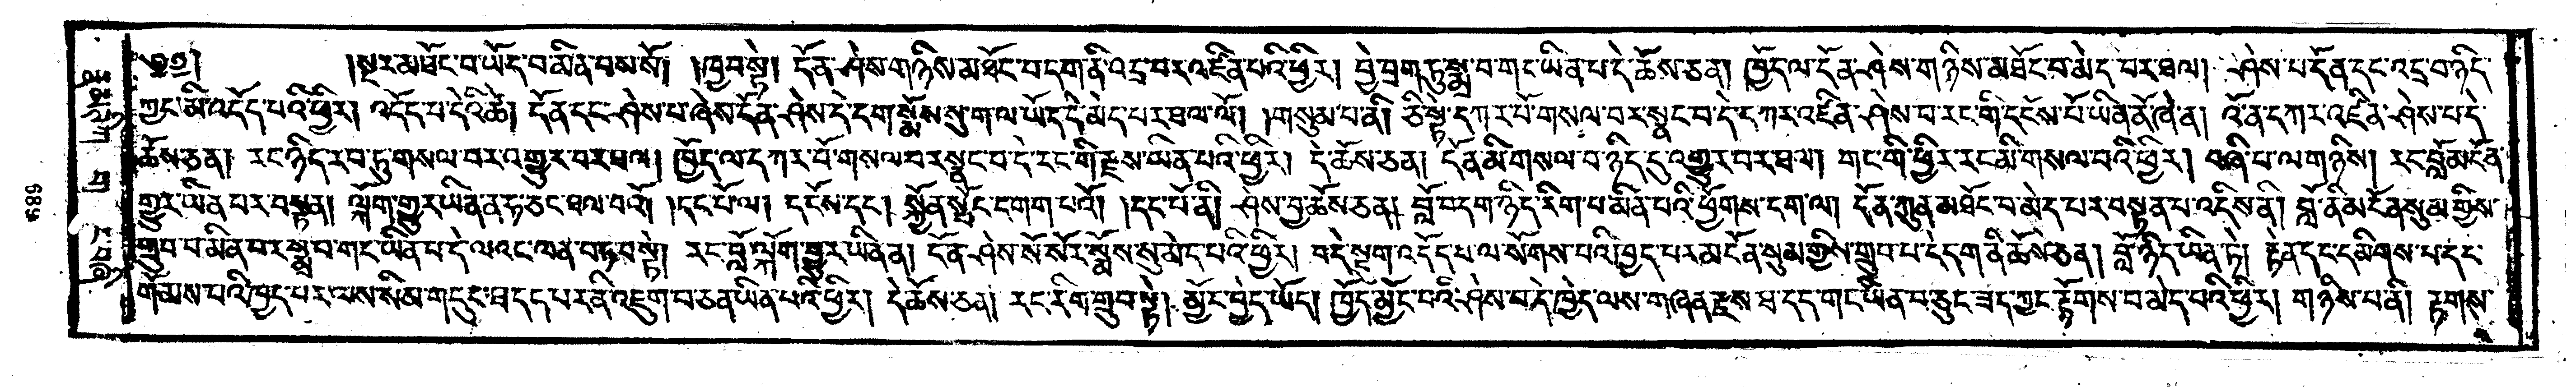༄༅། །སྔར་མཐོང་བ་ཡོད་བ་མིན་པས་སོ། །ཁྱབ་སྟེ། དོན་ཤེས་གཉིས་མཐོང་བདག་ནི་འདྲ་བར་འཛིན་པའི་ཕྱིར། བྱེ་བྲག་ཏུ་སྨྲ་བ་གང་ཡིན་པ་དེ་ཆོས་ཅན། ཁྱོད་ལ་དོན་ཤེས་གཉིས་མཐོང་བ་མེད་པར་ཐལ། ཤེས་པ་དོན་དང་འདྲ་བ་ཉིད་
ཀྱང་མི་འདོད་པའི་ཕྱིར། འདོད་པ་དེའི་ཚེ། དོན་དང་ཤེས་པ་ཞེས་དོན་ཤེས་དེ་དག་སྨོས་སུ་གལ་ཡོད་དེ་མེད་པར་ཐལ་ལོ། །གསུམ་པ་ནི། ཅི་སྟེ་དཀར་པོ་གསལ་བར་སྣང་བ་དེ་དཀར་འཛིན་ཤེས་པ་རང་གི་དངོས་པོ་ཡིན་ནོ་ཞེ་ན། འོ་ན་དཀར་འཛིན་ཤེས་པ་དེ་
ཆོས་ཅན། རང་ཉིད་རབ་ཏུ་གསལ་བར་འགྱུར་བར་ཐལ། ཁྱོད་ལ་དཀར་པོ་གསལ་བར་སྣང་བ་དེ་རང་གི་རྫས་ཡིན་པའི་ཕྱིར། དེ་ཆོས་ཅན། དོན་མི་གསལ་བ་ཉིད་དུ་འགྱུར་བར་ཐལ། གང་གི་ཕྱིར་རང་མི་གསལ་བའི་ཕྱིར། བཞི་པ་ལ་གཉིས། རང་བློ་མངོན་
གྱུར་ཡིན་པར་བསྟན། ལྐོག་གྱུར་ཡིན་ན་ཧ་ཅང་ཐལ་བའོ། །དང་པོ་ལ། དངོས་དང་། སྐྱོན་སྤོང་དགག་པའོ། །དང་པོ་ནི། ཤེས་བྱ་ཆོས་ཅན། བློ་བདག་ཉིད་རིག་པ་མིན་པའི་ཕྱོགས་དག་ལ། དོན་ཀུན་མཐོང་བ་མེད་པར་བསྟན་པ་འདིས་ནི། བློ་ནི་མངོན་སུམ་གྱིས་
གྲུབ་པ་མིན་པར་སྨྲ་བ་གང་ཡིན་པ་དེ་ལའང་ལན་བཏབ་སྟེ། རང་བློ་ལྐོག་བྱུར་ཡིན་ན། དོན་ཤེས་སོ་སོར་སྨོས་སུ་མེད་པའི་ཕྱིར། བདེ་སྡུག་འདོད་པ་ལ་སོགས་པའི་ཁྱད་པར་མངོན་སུམ་གྱིས་གྲུབ་པ་དེ་དག་ནི་ཆོས་ཅན། བློ་ཉིད་ཡིན་ཏེ། རྟེན་དང་དམིགས་པ་དང་
གོམས་པའི་ཁྱད་པར་ལས་སིམ་གདུང་ཐ་དད་པར་ནི་འཇུག་པ་ཅན་ཡིན་པའི་ཕྱིར། དེ་ཆོས་ཅན། རང་རིག་གྲུབ་སྟེ། མྱོང་བྱེད་ཡོད། ཁྱོད་མྱོང་བའི་ཤེས་པ་དེ་ཁྱེད་ལས་གཞན་རྫས་ཐ་དད་གང་ཡིན་བ་ཅུང་ཟད་ཀྱང་རྟོགས་བ་མེད་པའི་ཕྱིར། གཉིས་པ་ནི། རྟགས་